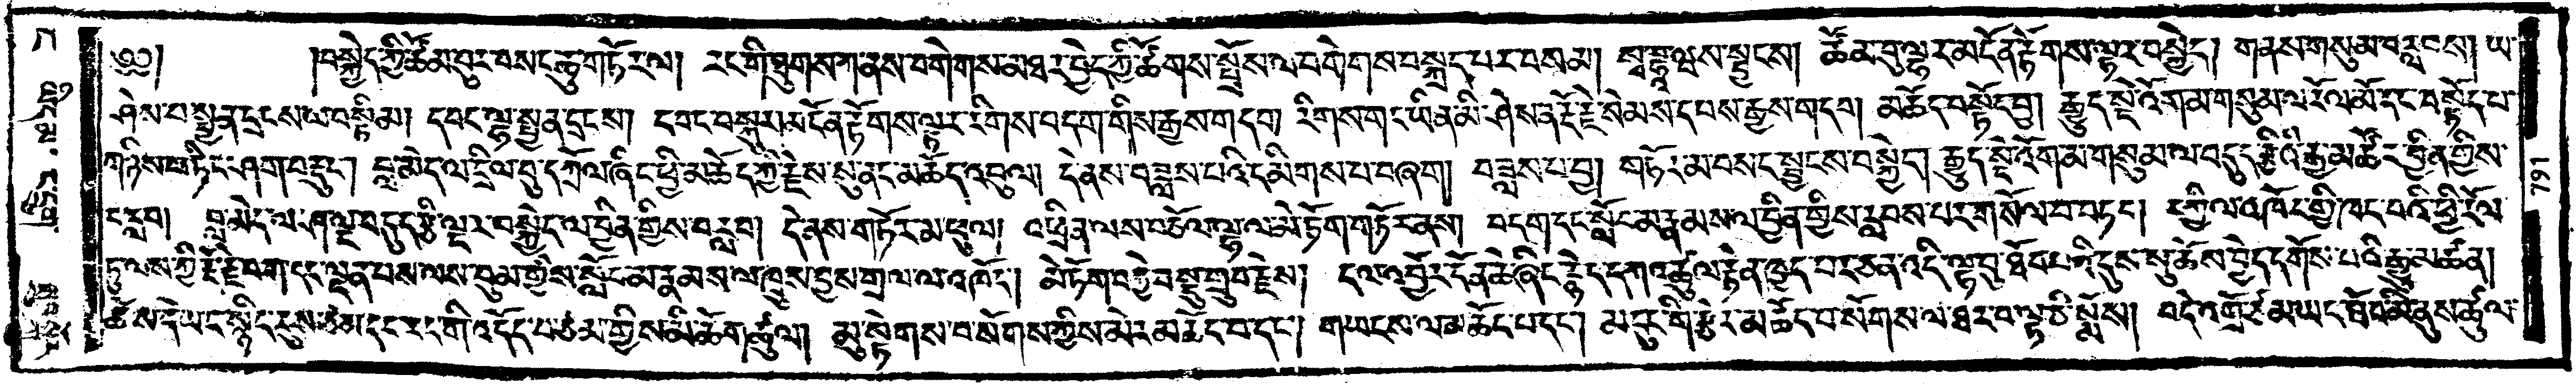༄༅། །བསྐྱེད་ཀྱི་ཚོམ་བུར་བསང་ཆུ་གཏོར་ལ། རང་གི་ཐུགས་ཀ་ནས་བགེགས་མཐར་བྱེད་ཀྱི་ཚོགས་སྤྲོས་ལ་བགེགས་བསྐྲད་པར་བསམ། སྭ་བྷཱ་ཝས་སྦྱངས། ཚོམ་བུ་ལྷར་མངོན་རྟོགས་ལྟར་བསྐྱེད། གནས་གསུམ་བརླངས།
ཤེས་པ་སྤྱན་དྲངས་ལ་བསྟིམ། དབང་ལྷ་སྤྱན་དྲངས། དབང་བསྐུར། མངོན་རྟོགས་ལྟར་རིགས་བདག་གིས་རྒྱས་གདབ། རིགས་གང་ཡིན་མི་ཤེས་ན་རྡོ་རྗེ་སེམས་དཔས་རྒྱས་གདབ། མཆོད་བསྟོད་བྱ། རྒྱུད་སྡེ་འོག་མ་གསུམ་ལ་རོལ་མོ་དང་བསྟོད་པ་
གཉིས་ལ་ཏིང་ཤག་བརྡུང་། བླ་མེད་ལ་དྲིལ་བུ་དཀྲོལ་ཞིང་ཕྱི་མཆོད་ཀྱི་རྗེས་སུ་ནང་མཆོད་འབུལ། དེ་ནས་བཟླས་པའི་དམིགས་པ་བཞག། བཟླས་པ་བྱ། གཏོར་མ་བསང་སྦྱངས་བསྐྱེད། རྒྱུད་སྡེ་འོག་མ་གསུམ་ལ་བདུད་རྩིའི་རྒྱ་མཚོར་བྱིན་གྱིས་
བརླབ། བླ་མེད་ལ་ཤ་ལྔ་བདུད་རྩི་ལྔར་བསྐྱེད་ལ་བྱིན་གྱིས་བརླབ། དེ་ནས་གཏོར་མ་ཕུལ། འཕྲིན་ལས་བཅོལ་ལྷ་ལ་མེ་ཏོག་གཏོར་ནས། བདག་དང་སློང་མ་རྣམས་ལ་བྱིན་གྱིས་རླབས་པར་གསོལ་བ་བཏབ། དཀྱིལ་འཁོར་གྱི་ཁང་པའི་ཕྱི་རོལ་
ཏུ་ལས་ཀྱི་རྡོ་རྗེ་བག་དང་ལྡན་པས་ལས་བུམ་གྱིས་སློང་མ་རྣམས་ལ་ཁྲུས་བྱས་གྲལ་ལ་འཁོད། མེ་ཏོག་བསྐྱེ་བསྡུ་གྲུབ་རྗེས། དལ་འབྱོར་དོན་ཆེ་ཞིང་རྙེད་དཀའ་ཚུལ་རྟེན་ཁྱད་པར་ཅན་འདི་ལྟ་བུ་ཐོབ་པའི་དུས་སུ་ཆོས་བྱེད་དགོས་པའི་རྒྱུ་མཚན།
ཆོས་དེ་ཡང་སྙིང་རུས་ཙམ་དང་རང་གི་འདོད་པ་ཙམ་གྱིས་མི་ཆོག་ཚུལ། མུ་སྟེགས་པ་སོགས་ཀྱིས་མེར་མཆོད་བ་དང་། གཡངས་བངས་ལ་མཆོད་པ་དང་། མདུང་གི་རྩེར་མཆོད་པ་སོགས་ལ་ཐར་བ་ལྟ་ཅི་སྨོས། བདེ་འགྲོ་ཙམ་ཡང་ཐོབ་མི་ནུས་ཚུལ་